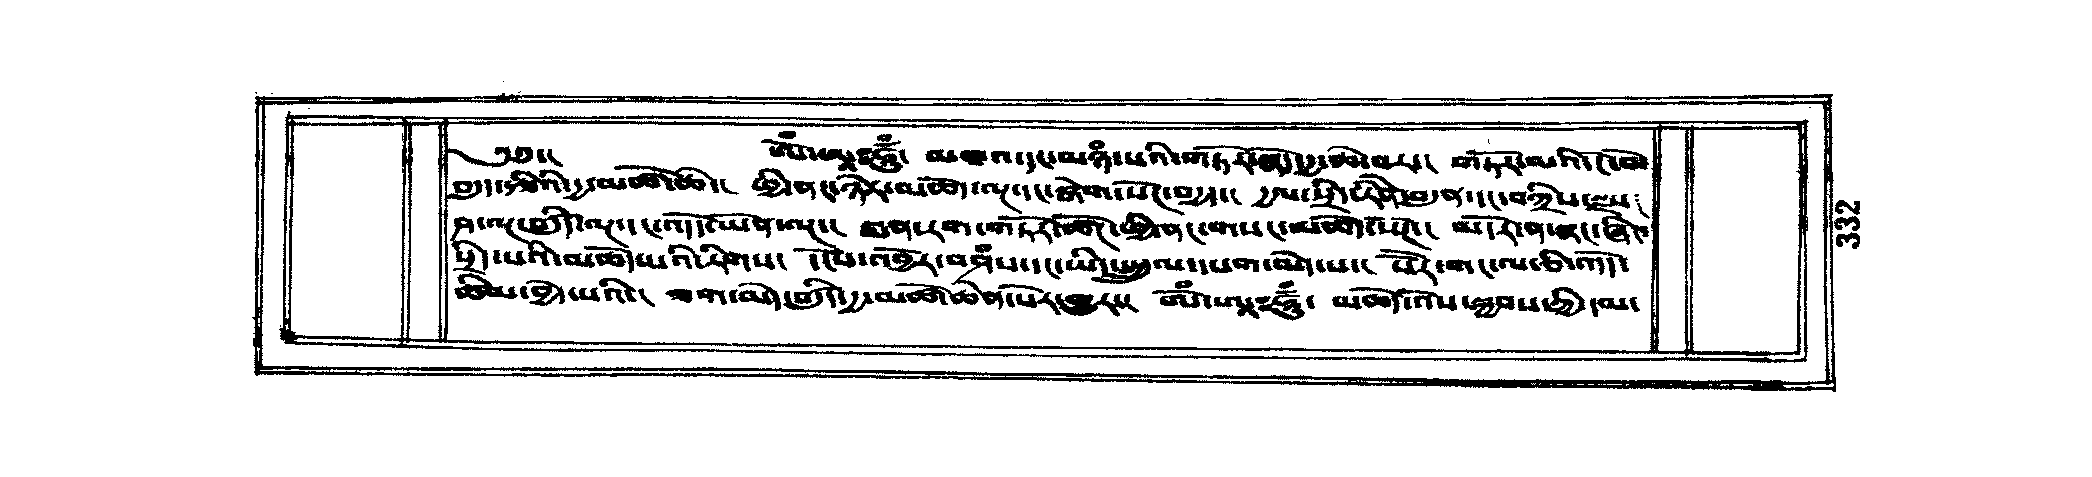ཨོྃ་ཨཱ་ཧཱུྃ། མཁའ་དང་མཉམ་པའི་གཏོར་སྣོད་རྒྱ་ཆེ་བར། །གཏོར་མའི་ངོ་བོ་
བདུད་རྩིའི་རྒྱ་མཚོ་ཆེ། །ཕྱི་ནང་ཉེར་མཆོད་ལྔ་དང་སྒེག་སོགས་བརྒྱད། །རྒྱལ་སྲས་རིན་ཆེན་བདུན་དང་བཀྲ་ཤིས་རྫས། །
ཤ་ལྔ་བདུད་རྩི་ལྔ་དང་འདོད་ཡོན་ལྔ་། །སྨན་རག་གཏོར་མཆོད་ཕྱི་ནང་གསང་མཆོད་སོགས། །མདོར་ན་སྣང་ཞིང་
སྲིད་པའི་མཆོད་པའི་རིགས། །དངོས་འབྱོར་བཤམས་དང་ཡིད་སྤྲུལ་དཔག་མེད་པ། །སོ་སོར་གང་ལ་ཅི་འདོད་
ཚིམ་བྱེད་པའི། །ཟག་མེད་བདུད་རྩིའི་རྒྱ་མཚོ་ཆེན་པོར་གྱུར། །ཨོྃ་ཨཱ་ཧཱུྃ། མཆོད་འོས་སྐྱབས་ཀྱི་དམ་